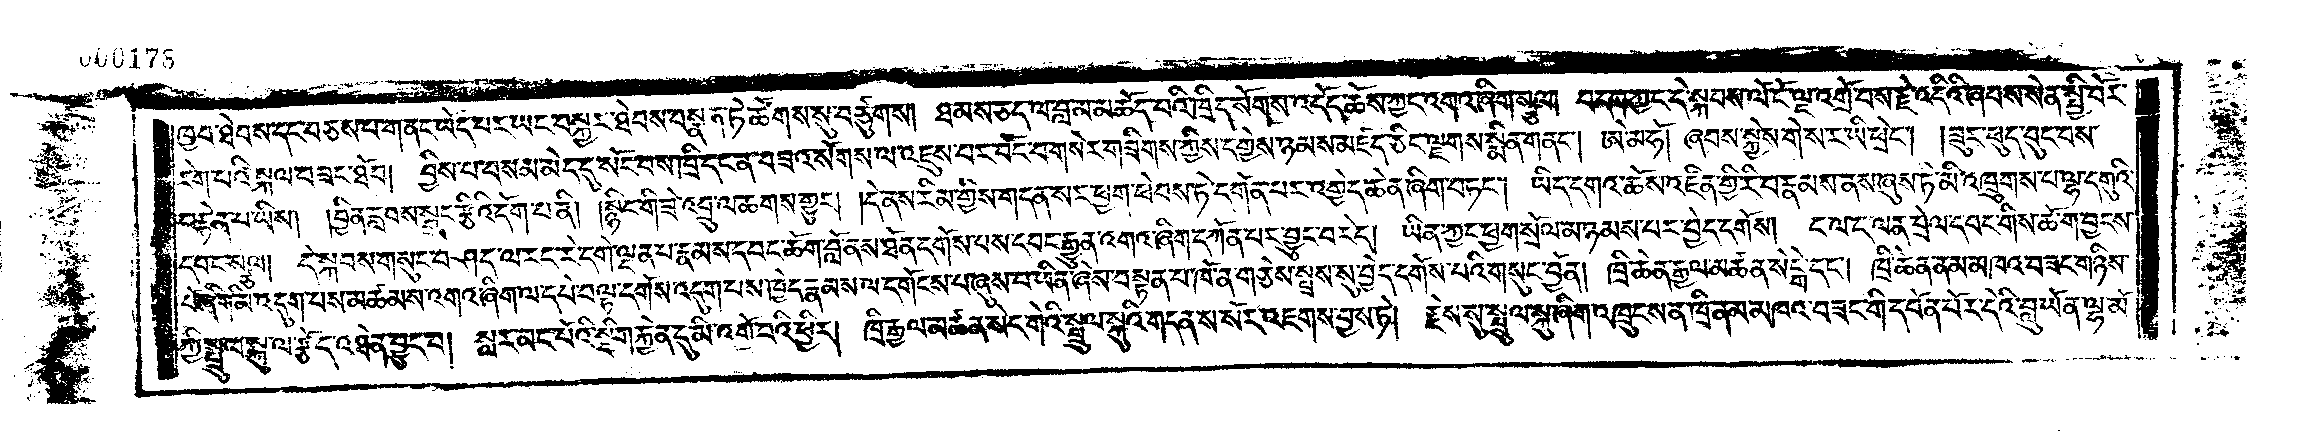ཁྱབ་ཐེབས་དང་བཅས་པ་གནང་ཡོད་པར་ཡང་བསྐྱར་ཐེབས་བསྣན་ཏེ་ཚོགས་སུ་བཙུགས། ཐམས་ཅད་ལ་བླ་མ་མཆོད་པའི་ཁྲིད་སོགས་འདོད་ཆོས་ཀྱང་འགའ་ཞིག་སྩལ། བདག་ཀྱང་དེ་སྐབས་ལོ་ངོ་ལྔ་འགྲོ་བས་རྗེ་འདིའི་ཞབས་སེན་སྤྱི་བོར་
རེག་པའི་སྐལ་བཟང་ཐོབ། བྱིས་པ་བསམ་མེད་དུ་སོང་བས་ཁྲི་དང་ན་བཟའ་སོགས་ལ་འཇུས་པར་བོང་བ་གསེར་གཟིགས་ཀྱིས་དགྱེས་ཉམས་མཛད་ཅིང་ལྗགས་སྨིན་གནང་། ཨེ་མ་ཧོ། ཞབས་སྐྱེས་གེ་ས་ར་ཡི་ཕྲེང་། །ཟུར་ཕུད་བུང་བས་
བརྟེན་པ་ཡིས། །བྱིན་རླབས་སྦྲང་རྩིའི་དོག་པ་ནི། །སྙིང་གི་ཟེ་འབྲུ་ལ་ཆགས་གྱུར། །དེ་ནས་རིམ་གྱིས་གདན་སར་ཕྱག་ཕེབས་ཏེ་དགོན་པར་འགྱེད་ཆེན་ཞིག་བཏང་། ཡིད་དགའ་ཆོས་འཛིན་གྱི་རི་བ་རྣམས་ནས་ཞུས་ཏེ་མི་འཁྲུགས་པ་ལྷ་དགུའི་
དབང་སྩལ། དེ་སྐབས་གསུང་བཤད་ལ་རང་རེ་དགེ་ལྡན་པ་རྣམས་དབང་ཆོག་བློ་ནས་ཐོན་དགོས་པས་དབང་རྒྱུན་འགའ་ཞིག་དཀོན་པར་བྱུང་བ་རེད། ཡིན་ཀྱང་ཕྱག་སྲོལ་མ་ཉམས་པར་བྱེད་དགོས། ང་ལ་ད་ལན་བྲེལ་དབང་གིས་ཆོ་ག་བྱངས་
པོ་ཞིག་མི་འདུག་པས་མཚམས་འགའ་ཞིག་ལ་དཔེ་བལྟ་དགོས་འདུག་པས་ཁྱེད་རྣམས་ལ་དགོངས་པ་ཞུས་པ་ཡིན་ཞེས་བསྟན་པ་ཁོ་ན་གཅེས་སྤྲས་སུ་བྱེད་དགོས་པའི་གསུང་བྱོན། ཁྲི་ཆེན་རྒྱལ་མཚན་སེངྒེ་དང་། ཁྲི་ཆེན་ནམ་མཁའ་བཟང་གཉིས་
ཀྱི་སྤྲུལ་སྐུ་ལ་རྩོད་འཐེན་བྱུང་བ། སླར་མང་པོའི་སྡིག་རྐྱེན་དུ་མི་འགྲོ་བའི་ཕྱིར། ཁྲི་རྒྱལ་མཚན་སེང་གེའི་སྤྲུལ་སྐུའི་གདན་ས་སོར་འཇགས་བྱས་ཏེ། རྗེས་སུ་སྤྲུལ་སྐུ་ཞིག་འཁྲུངས་ན་ཁྲི་ནམ་མཁའ་བཟང་གི་དབོན་པོར་དེའི་བླུ་ཡོན་ལྷ་མོ་